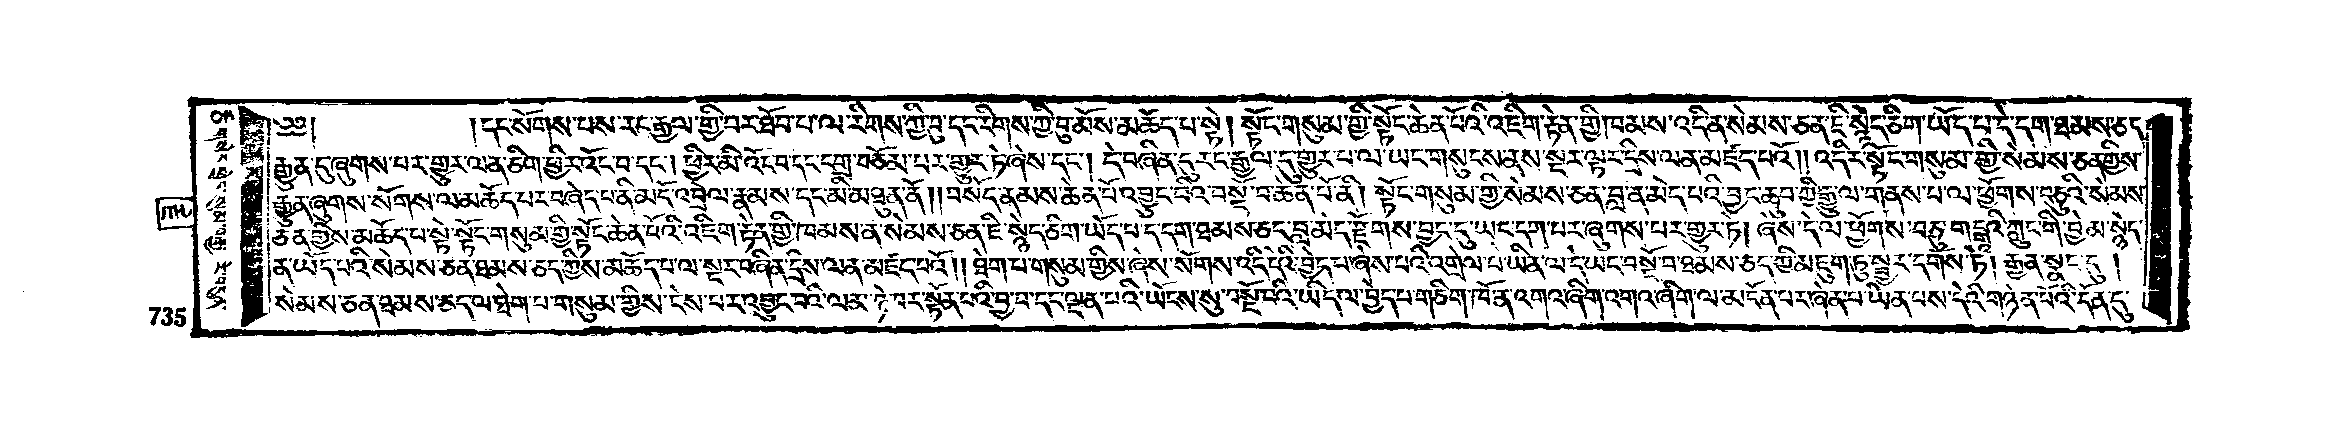༄༅། །དང་སོགས་པས་རང་རྒྱལ་གྱི་བར་ཐོབ་པ་ལ་རིགས་ཀྱི་བུ་དང་རིགས་ཀྱི་བུ་མོས་མཆོད་པ་སྟེ། སྟོང་གསུམ་གྱི་སྟོང་ཆེན་པོའི་འཇིག་རྟེན་གྱི་ཁམས་འདི་ན་སེམས་ཅན་ཇི་སྙེད་ཅིག་ཡོད་པ་དེ་དག་ཐམས་ཅད་
རྒྱུན་དུ་ཞུགས་པར་གྱུར་ལན་ཅིག་ཕྱིར་འོང་བ་དང་། ཕྱིར་མི་འོང་བ་དང་དགྲ་བཅོམ་པར་གྱུར་ཏེ་ཞེས་དང་། དེ་བཞིན་དུ་རང་རྒྱལ་དུ་གྱུར་པ་ལ་ཡང་གསུངས་ནས་སྔར་ལྟར་དྲིས་ལན་མཛད་པའོ། །འདིར་སྟོང་གསུམ་གྱི་སེམས་ཅན་གྱིས་
རྒྱུན་ཞུགས་སོགས་ལ་མཆོད་པར་བཞེད་པ་ནི་མདོ་འབྲེལ་རྣམས་དང་མི་མཐུན་ནོ། །བསོད་ནམས་ཆེན་པོ་འབྱུང་བའི་བསྔོ་བ་ཆེན་པོ་ནི། སྟོང་གསུམ་གྱི་སེམས་ཅན་བླ་ན་མེད་པའི་བྱང་ཆུབ་ཀྱི་རྒྱུ་ལ་གནས་པ་ལ་ཕྱོགས་བཅུའི་སེམས་
ཅན་གྱིས་མཆོད་པ་སྟེ་སྟོང་གསུམ་གྱི་སྟོང་ཆེན་པོའི་འཇིག་རྟེན་གྱི་ཁམས་ན་སེམས་ཅན་ཇི་སྙེད་ཅིག་ཡོད་པ་དེ་དག་ཐམས་ཅད་བླ་མེད་རྫོགས་བྱང་དུ་ཡང་དག་པར་ཞུགས་པར་གྱུར་ཏེ། ཞེས་དེ་ལ་ཕྱོགས་བཅུ་གངྒཱའི་ཀླུང་གི་བྱེ་མ་སྙེད་
ན་ཡོད་པའི་སེམས་ཅན་ཐམས་ཅད་ཀྱིས་མཆོད་པ་ལ་སྔར་བཞིན་དྲིས་ལན་མཛད་པའོ། །ཐེག་པ་གསུམ་གྱིས་ཞེས་སོགས་འདི་དེའི་བྱེད་པ་ཞེས་པའི་འགྲེལ་པ་ཡིན་ལ་དེ་ཡང་བསྔོ་བ་ཐམས་ཅད་ཀྱི་མཇུག་ཏུ་སྦྱར་དགོས་ཏེ། རྒྱན་སྣང་དུ།
སེམས་ཅན་ཐམས་ཅད་ལ་ཐེག་པ་གསུམ་གྱིས་ངེས་པར་འབྱུང་བའི་ལམ་ཉེ་བར་སྟོན་པའི་བྱ་བ་དང་ལྡན་པའི་ཡོངས་སུ་བསྡེ་བའི་ཡིད་ལ་བྱེད་པ་གཅིག་ཁོ་ན་འགའ་ཞིག་འགའ་ཞིག་ལ་མངོན་པར་ཞེན་པ་ཡིན་པས་དེའི་གཉེན་པོའི་དོན་དུ་